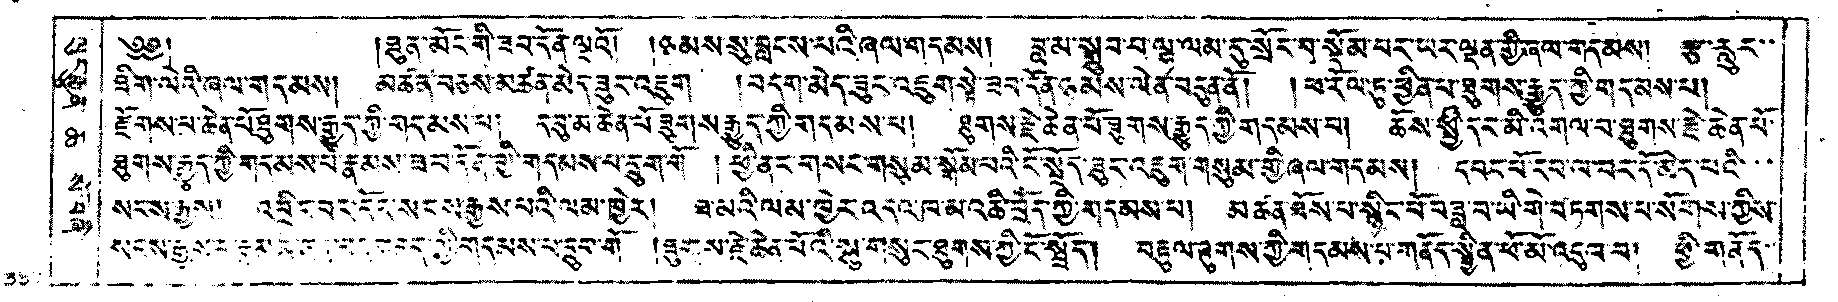༄༅། །ཐུན་མོང་གི་ཟབ་དོན་ལྔའོ། །ཉམས་སུ་བླངས་པའི་ཞལ་གདམས། བླ་མ་སྒྲུབ་པ་ལྷ་ལམ་དུ་སྲོང་བ་སྡོམ་པར་ཡར་ལྡན་གྱི་ཞལ་གདམས། རྩ་རླུང་
ཐིག་ལེའི་ཞལ་གདམས། མཚན་བཅས་མཚན་མེད་ཟུང་འཇུག །བདག་མེད་ཟུང་འཇུག་སྟེ་ཟབ་དོན་ཉམས་ལེན་བདུན་ནོ། །ཕ་རོལ་ཏུ་ཕྱིན་པ་ཐུགས་རྒྱུད་ཀྱི་གདམས་པ།
རྫོགས་པ་ཆེན་པོ་ཐུགས་རྒྱུད་ཀྱི་གདམས་པ། དབུ་མ་ཆེན་པོ་ཐུགས་རྒྱུད་ཀྱི་གདམས་པ། ཐུགས་རྗེ་ཆེན་པོ་ཐུགས་རྒྱུད་ཀྱི་གདམས་པ། ཆོས་སྤྱི་དང་མི་འགལ་བ་ཐུགས་རྗེ་ཆེན་པོ་
ཐུགས་རྒྱུད་ཀྱི་གདམས་པ་རྣམས་ཟབ་དོན་གྱི་གདམས་པ་དྲུག་གོ །ཕྱི་ནང་གསང་གསུམ་སྒོམ་པའི་ངོ་སྤྲོད་ཟུང་འཇུག་གསུམ་གྱི་ཞལ་གདམས། དབང་པོ་རབ་ལ་བར་དོ་མེད་པའི་
སངས་རྒྱས། འབྲིང་བར་དོར་སངས་རྒྱས་པའི་ལམ་ཁྱེར། ཐ་མའི་ལམ་ཁྱེར་འདའ་ཁ་མ་འཆི་བྲོད་ཀྱི་གདམས་པ། མཚན་ཐོས་པ་སྙིང་པོ་བཟླ་བ་ཡི་གེ་བཏགས་པ་སོགས་ཀྱིས་
སངས་རྒྱས་པ་རྣམས་ཁྱད་པར་གནད་ཀྱི་གདམས་པ་དྲུག་གོ །ཐུགས་རྗེ་ཆེན་པོའི་སྐུ་གསུང་ཐུགས་ཀྱི་ངོ་སྤྲོད། བརྟུལ་ཞུགས་ཀྱི་གདམས་པ་གནོད་སྦྱིན་ཕོ་མོ་འདུལ་བ། ཕྱི་གནོད་